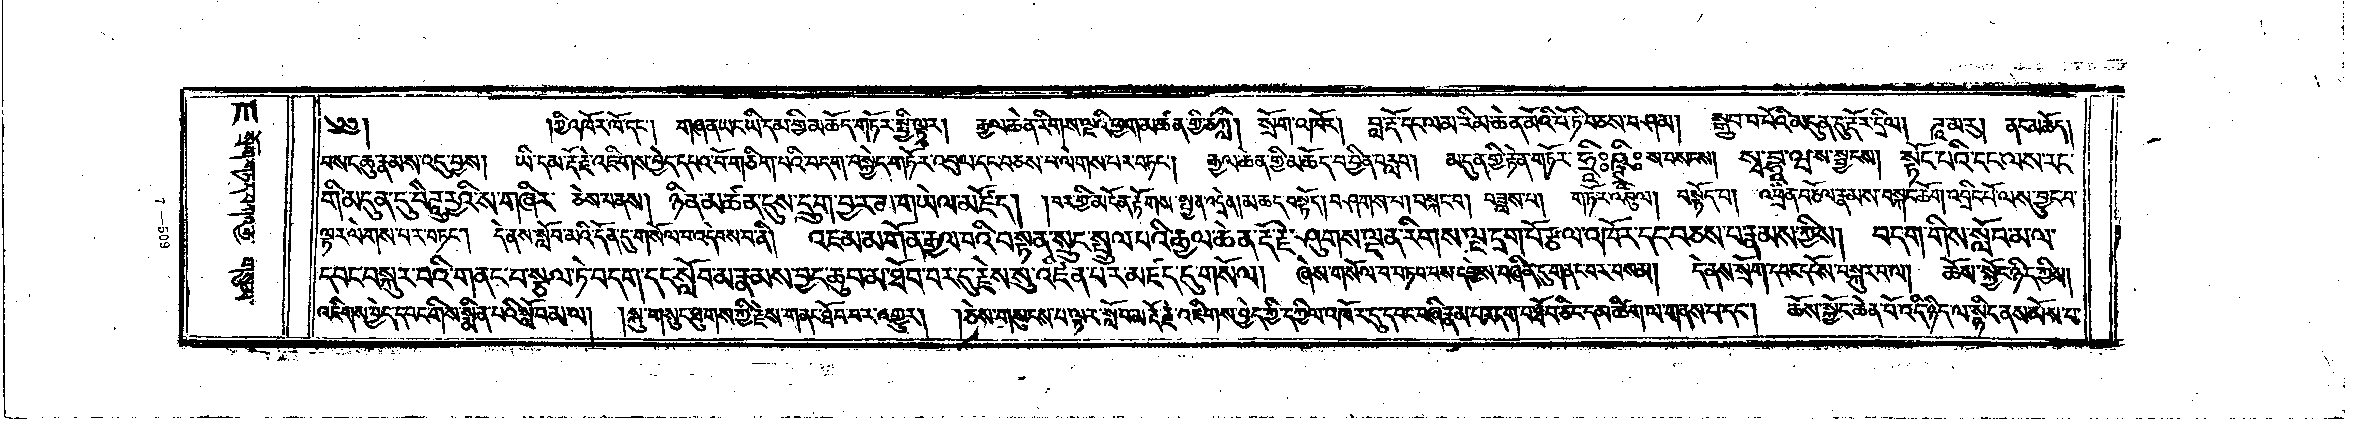༄༅། །ཀྱི་འཁོར་ལོ་དང་། གཞན་ཡང་ཡི་དམ་གྱི་མཆོད་གཏོར་སྤྱི་ལྟར། རྒྱལ་ཆེན་རིགས་ལྔའི་ཕྱག་མཚན་གྱི་ཙཀླི། སྲོག་འཁོར། བླ་རྡོ་དང་ལམ་རིམ་ཆེན་མོའི་པོ་ཏི་བཅས་བཤམ། སྒྲུབ་པ་པོའི་མདུན་དུ་རྡོར་དྲིལ། ཌཱ་མ་རུ། ནང་མཆོད།
བསང་ཆུ་རྣམས་འདུ་བྱས། ཡི་དམ་རྡོ་རྗེ་འཇིགས་བྱེད་དཔའ་བོ་གཅིག་བའི་བདག་བསྐྱེད་གཏོར་འབུལ་དང་བཅས་པ་ལེགས་པར་བཏང་། རྒྱལ་ཆེན་གྱི་མཆོད་པ་བྱིན་བརླབ། མདུན་གྱི་རྟེན་གཏོར་ཧྲཱིཿཥྚཱིཿས་བསངས།  སྭབྷཱ་ཝས་སྦྱངས། སྟོང་པའི་ངང་ལས་རང་
གི་མདུན་དུ་བཻཌཱུརྱའི་ས་གཞིར་ཅེས་པ་ནས།  ཉིན་མཚན་དུས་དྲུག་བྱར་མ་གཡེལ་མཛོད། །བར་གྱི་མངོན་རྟོགས་སྤྱན་འདྲེན། མཆད་བསྟོད། བཤགས་པ། བསྐང་བ། བཟླས་པ། གཏོར་འབུལ། བསྟོད་པ། འཕྲིན་བཅོལ་རྣམས་བསྐང་ཆོག་འབྲིང་པོ་ལས་བྱུང་བ་
ལྟར་ལེགས་པར་བཏང་། དེ་ནས་སློབ་མའི་དོན་དུ་གསོལ་བ་འདེབས་བ་ནི། འཇམ་མགོན་རྒྱལ་བའི་བསྟན་སྲུང་སྤྲུལ་བའི་རྒྱལ་ཆེན་རྡོ་རྗེ་ཤུགས་ལྡན་རིགས་ལྔ་དྲག་པོ་རྩལ་འཁོར་དང་བཅས་པ་རྣམས་ཀྱིས། བདག་གིས་སློབ་མ་ལ་
དབང་བསྐུར་བའི་གནང་བ་སྩལ་ཏེ་བདག་དང་སློབ་མ་རྣམས་བྱང་ཆུབ་མ་ཐོབ་བར་དུ་རྗེས་སུ་འཛིན་པར་མཛད་དུ་གསོལ། ཞེས་གསོལ་བ་བཏབ་བས་དགྱེས་བཞིན་དུ་གནང་བར་བསམ། དེ་ནས་སྲོག་དབང་དངོས་བསྐུར་པ་ལ། ཆོས་སྐྱོང་ཉིད་ཀྱིས།
འཇིགས་བྱེད་དབང་གིས་སྨིན་པའི་སློབ་མ་ལ། །སྐུ་གསུང་ཐུགས་ཀྱི་རྗེས་གནང་ཐོབ་བར་འགྱུར། །ཅེས་གསུངས་པ་ལྟར་སློབ་མ་རྡོ་རྗེ་འཇིགས་བྱེད་ཀྱི་དཀྱིལ་འཁོར་དུ་དབང་བཞི་རྣམ་པར་དག་པ་ཐོབ་ཅིང་དམ་ཚིག་ལ་གནས་པ་དང་། ཆོས་སྐྱོང་ཆེན་པོ་འདི་ཉིད་ལ་སྙིང་ནས་མོས་པ་